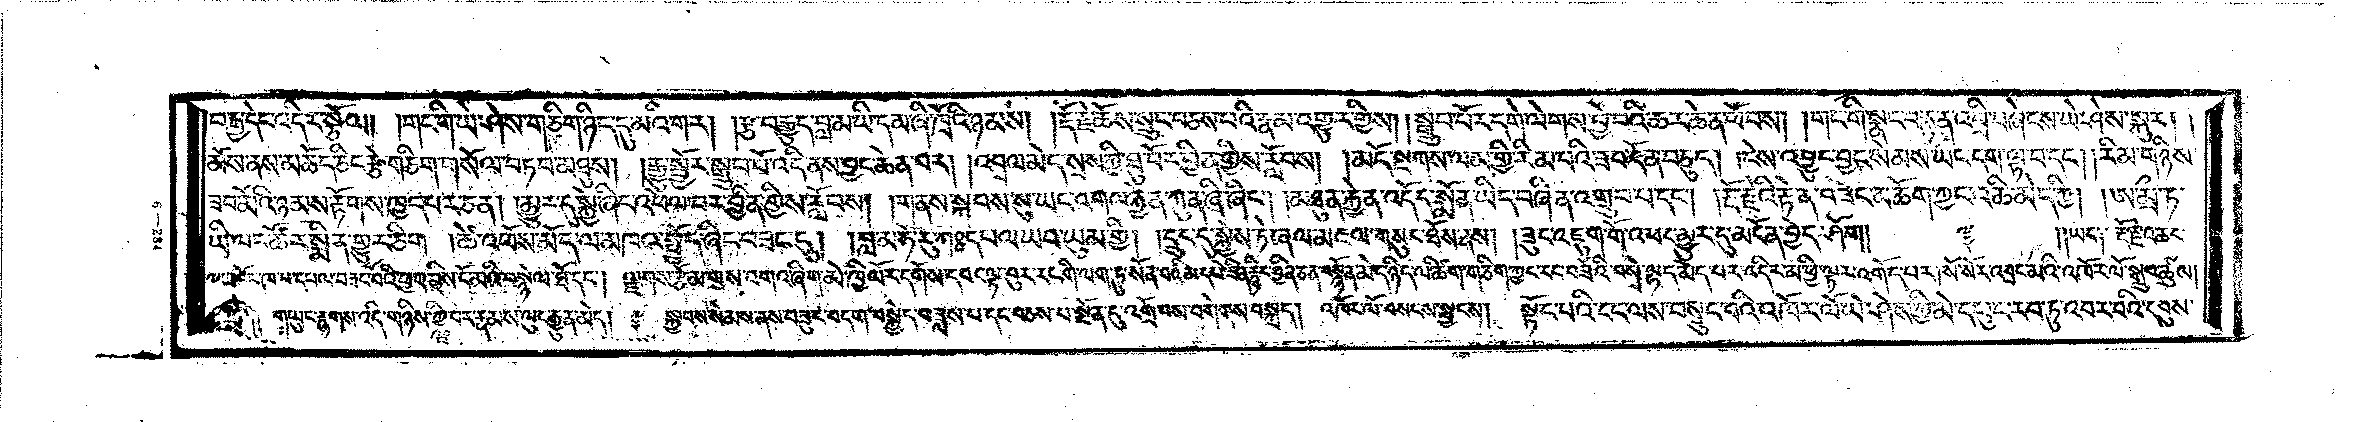བརྒྱ་དེང་འདིར་སྩོལ། །གང་གི་ཡེ་ཤེས་གཅིག་ཉིད་དུ་མའི་གར། །རྩ་བརྒྱུད་བླ་མ་ཡི་དམ་ཞི་ཁྲོའི་ཉམས། །རྡོ་རྗེ་ཆོས་སྲུང་བཅས་པའི་རྣམ་འགྱུར་གྱིས། །སྒྲུབ་པོར་དགེ་ལེགས་བྱེ་བའི་ཆར་ཆེན་ཕོབས། །གང་གི་སྣང་བརྙན་འབྲི་བཞེངས་ཡེ་ཤེས་སྐུར། །
ཆོས་ནས་མཆོད་ཅིང་རྩེ་གཅིག་གསོལ་བཏབ་མཐུས། །རྒྱུ་སྦྱོར་སྒྲུབ་པོ་འདི་ནས་བྱང་ཆེན་བར། །འབྲལ་མེད་སྲས་ཀྱི་ཐུ་བོར་བྱིན་གྱིས་རློབས། །མདོ་སྔགས་ལམ་གྱི་རིམ་པའི་ཟབ་དོན་བཅུད། །ངེས་འབྱུང་བྱང་སེམས་ཡང་དག་ལྟ་བ་དང་། །རིམ་གཉིས་
ཟབ་མོའི་ཉམས་རྟོགས་ཁྱད་པར་ཅན། །མྱུར་དུ་སྐྱེ་ཞིང་འཕེལ་བར་བྱིན་གྱིས་རློབས། །གནས་སྐབས་སུ་ཡང་འགལ་རྐྱེན་ཀུན་ཞི་ཞིང་། །མཐུན་རྐྱེན་འདོད་སྨོན་ཡིད་བཞིན་འགྲུབ་པ་དང་། །རྡོ་རྗེའི་རྟེན་བཟེང་མཆོག་ཀྱང་འཆི་མེད་ཀྱི། །ཨ་མྲྀ་ཏ་
ཡི་ལང་ཚོར་སྨིན་གྱུར་ཅིག །ཚེ་འཕོས་མོད་ལ་མཁའ་སྤྱོད་ཞིང་བཟང་དུ། །བླ་མ་ཏོ་རུ་ཀཿ དཔལ་ཡབ་ཡུམ་གྱི། །དྲུང་དུ་སྐྱེས་ཏེ་ཞལ་མཇའ་གསུང་ཐོས་ནས། །ཟུང་འཇུག་གོ་འཕང་མྱུར་དུ་མངོན་བྱེད་ཤོག། ༈ །།ཡང༑ རྡོ་རྗེ་འཆང་
ལ་འཁོར་ཁ་པ་དཔལ་བཟང་པོའི་ཕྱག་བྱིས་ངོ་མའི་བསྙེལ་ཐོ་དང་། ལྗགས་རྩོམ་གྲས་འགའ་ཞིག་མེ་ཁྱི་ལོར་དགོས་དབང་ལྟ་བུར་རང་གི་ལག་ཏུ་སོན་བའི་མ་དཔེ་ཟིན་རྙིང་བྱིན་ཅན་བསྙོན་མེད་ཉིད་ལ་ཚིག་གཅིག་ཀྱང་རབ་བཟོའི་བསྲྭེ་ལྷད་མེད་པར་འདིར་མ་ཕྱི་ལྟར་འགོད་པར། སོ་སོར་འབྲང་མའི་འཁོར་ལོ་སྒྲུབ་ཚུལ།
༼༽?༼༽ གཡུང་རྙགས་འདི་གཉིས་ཀྱི་ཝཾ་བར་རྣམས་ལུང་རྒྱུན་མེད། ༈ སྐྱབས་སེམས་ནས་བཟུང་བདག་བསྐྱེད་བཟླས་པ་དང་བཅས་པ་སྔོན་དུ་འགྲོ་བས་བགེགས་བསྐྲད། འཁོར་ལོ་བསངས་སྦྱངས། སྟོང་པའི་ངང་ལས་བསྲུང་བའི་འཁོར་ལོ་ཡེ་ཤེས་ཀྱི་མེ་དཔུང་རབ་ཏུ་འབར་བའི་དབུས་